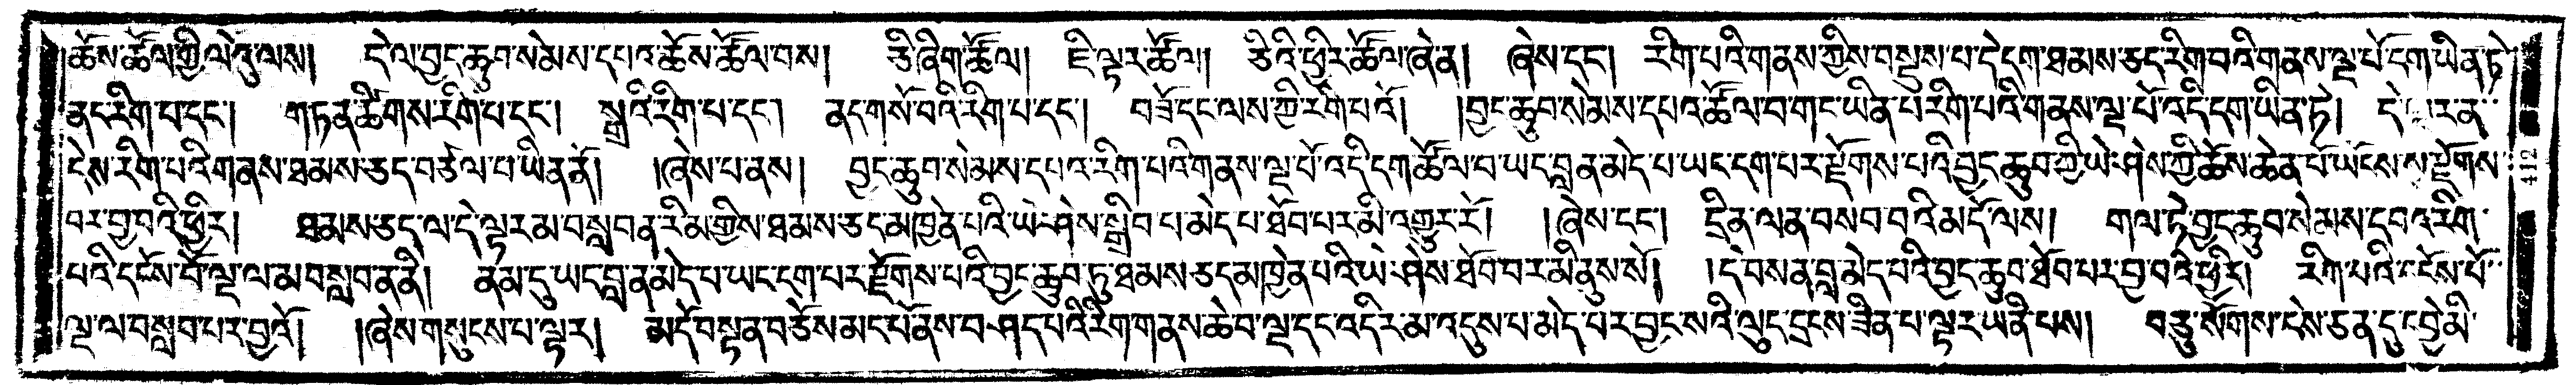ཆོས་ཚོལ་གྱི་ལེའུ་ལས། དེ་ལ་བྱང་ཆུབ་སེམས་དཔའ་ཆོས་ཚོལ་བས། ཅི་ཞིག་ཚོལ། ཇི་ལྟར་ཚོལ། ཅིའི་ཕྱིར་ཚོལ་ཞེ་ན། ཞེས་དང་། རིག་པའི་གནས་ཀྱིས་བསྡུས་པ་དེ་དག་ཐམས་ཅད་རིག་བའི་གནས་ལྔ་པོ་དག་ཡིན་ཏེ་
ནང་རིག་པ་དང་། གཏན་ཚིགས་རིག་པ་དང་། སྒྲའི་རིག་པ་དང་། ནད་གསོ་བའི་རིག་པ་དང་། བཟོ་དང་ལས་ཀྱི་རིག་པའོ། །བྱང་ཆུབ་སེམས་དཔའ་ཚོལ་བ་གང་ཡིན་པ་རིགས་པའི་གནས་ལྔ་པོ་འདི་དག་ཡིན་ཏེ། དེ་?ར་ན་
དེས་རིག་པའི་གནས་ཐམས་ཅད་བཙལ་བ་ཡིན་ནོ། །ཞེས་པ་ནས། བྱང་ཆུབ་སེམས་དཔའ་རིག་པའི་གནས་ལྔ་པོ་འདི་དག་ཚོལ་བ་ཡང་བླ་ན་མེད་པ་ཡང་དག་པར་རྫོགས་པའི་བྱང་ཆུབ་ཀྱི་ཡེ་ཤེས་ཀྱི་ཆོས་ཆེན་པོ་ཡོངས་སུ་རྫོགས་
བར་བྱ་བའི་ཕྱིར། ཐམས་ཅད་ལ་དེ་ལྟར་མ་བསླབ་ན་རིམ་གྱིས་ཐམས་ཅད་མཁྱེན་པའི་ཡེ་ཤེས་སྒྲིབ་པ་མེད་པ་ཐོབ་པར་མི་འགྱུར་རོ། །ཞེས་དང་། དྲིན་ལན་བསབ་པའི་མདོ་ལས། གལ་ཏེ་བྱང་ཆུབ་སེམས་དཔའ་རིག་
པའི་དངོས་བོ་ལྔ་ལམ་བསླབ་ན་ནི། ནམ་དུ་ཡང་བླ་ན་མེད་པ་ཡང་དག་པར་རྫོགས་པའི་བྱང་ཆུབ་ཏུ་ཐམས་ཅད་མཁྱེན་པའི་ཡེ་ཤེས་ཐོབ་པར་མི་ནུས་སོ། །དེ་བསན་བླ་མེད་པའི་བྱང་ཆུབ་ཐོབ་པར་བྱ་བའི་ཕྱིར། རིག་པའི་དངོས་པོ་
ལྔ་ལ་བསླབ་པར་བྱའོ། །ཞེས་གསུངས་པ་ལྟར། །མདོ་བསྟན་བཅོས་མང་པོ་ནས་བཤད་པའི་རིག་གནས་ཆེ་བ་ལྔ་དང་འདིར་མ་འདུས་པ་མེད་པར་བྱང་སའི་ལུང་དྲངས་ཟིན་པ་ལྟར་ཡིན་པས། བཅུ་སོགས་ངེས་ཅན་དུ་དབྱེ་མི་